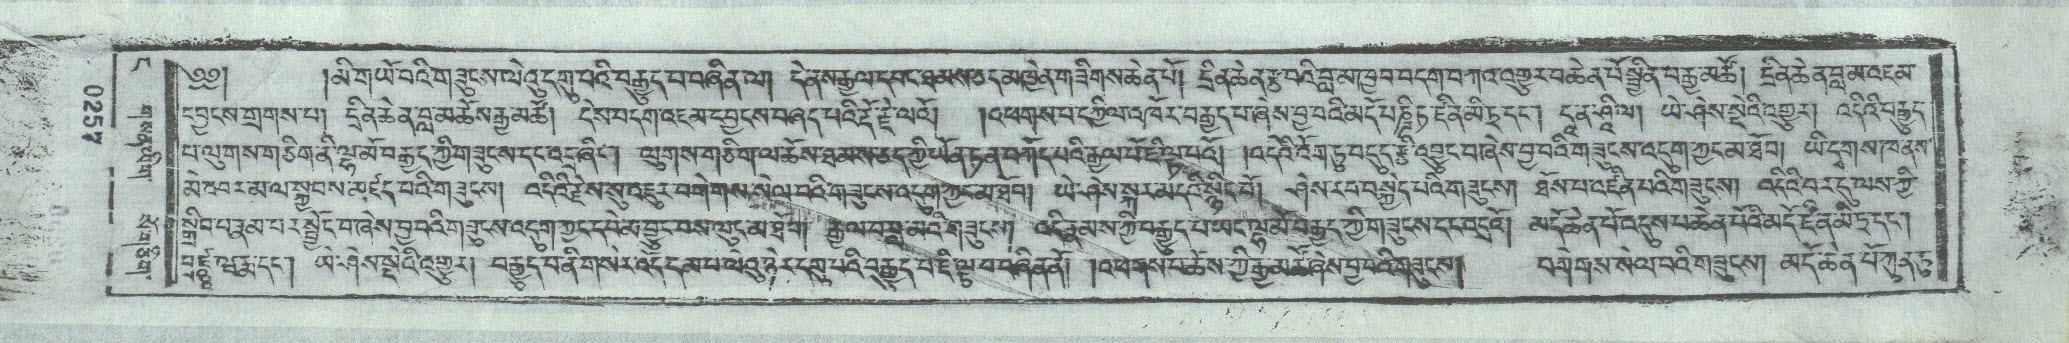༄༅། ། མི་གཡོ་བའི་གཟུངས་ལེའུ་དགུ་པའི་བརྒྱུད་པ་བཞིན་ལ། དེ་ནས་རྒྱལ་དབང་ཐམས་ཅད་མཁྱེན་གཟིགས་ཆེན་པོ། དྲིན་ཆེན་རྩ་བའི་བླ་མ་ཁྱབ་བདག་བཀའ་འགྱུར་བ་ཆེན་པོ་སྦྱིན་པ་རྒྱ་མཚོ། དྲིན་ཆེན་བླ་མ་འཇམ་
དབྱངས་གྲགས་པ། དྲིན་ཆེན་བླ་མ་ཆོས་རྒྱ་མཚོ། དེས་བདག་འཇམ་དབྱངས་བཞད་པའི་རྡོ་རྗེ་ལའོ། །འཕགས་པ་དཀྱིལ་འཁོར་བརྒྱད་པ་ཞེས་བྱ་བའི་མདོ་པཎྜི་ཏ་ཛི་ན་མི་ཏྲ་དང་། དཱ་ན་ཤཱི་ལ། ཡེ་ཤེས་སྡེའི་འགྱུར། འདིའི་བརྒྱུད་
པ་ལུགས་གཅིག་ནི་ལྷ་མོ་བརྒྱད་ཀྱི་གཟུངས་དང་འདྲ་ཞིང་། ལུགས་གཅིག་ལ་ཆོས་ཐམས་ཅད་ཀྱི་ཡོན་ཏན་བཀོད་པའི་རྒྱལ་པོ་ཇི་ལྟར་བའོ། །འདིའི་འོག་ཏུ་བདུད་རྩི་འབྱུང་བ་ཞེས་བྱ་བའི་གཟུངས་འདུག་ཀྱང་མ་ཐོབ། ཡི་དྭགས་ཁ་ནས་
མཁེར?་མ་ལ་སྐྱབས་མཛད་པའི་གཟུངས། འདིའི་རྗེས་སུ་འཇུར་འགེགས་སེལ་བའི་གཟུངས་འདུག་ཀྱང་མ་ཐོབ། ཡེ་ཤེས་སྐར་མདའི་སྙིང་པོ། ཤེས་རབ་བསྐྱེད་པའི་གཟུངས། ཐོས་པ་འཛིན་པའི་གཟུངས། འདིའི་བར་དུ་ལས་ཀྱི་
སྒྲིབ་པ་རྣམ་པར་སྦྱོད་པ་ཞེས་བྱ་བའི་གཟུངས་འདུག་ཀྱང་དཔེ་མ་བྱུང་བས་ལུང་མ་ཐོབ། རྒྱལ་བ་བླ་མའི་གཟུངས། འདི་རྣམས་ཀྱི་བརྒྱུད་པ་ཡང་ལྷ་མོ་བརྒྱད་ཀྱི་གཟུངས་དང་འདྲའོ། །མདོ་ཆེན་པོ་འདུས་པ་ཆེན་པོའི་མདོ་ཛི་ན་མི་ཏྲ་དང་།
?རྨ་དང་། ཡེ་ཤེས་སྡེའི་འགྱུར། བརྒྱུད་པ་ནི་གསེར་འོད་དམ་པ་ལེའུ་ཉེར་དགུ་པའི་བརྒྱུད་པ་ཇི་ལྟ་བ་བཞིན་ནོ། །འཕགས་པ་ཆོས་ཀྱི་རྒྱ་མཚོ་ཞེས་བྱ་བའི་གཟུངས། བགེགས་སེལ་བའི་གཟུངས། མདོ་ཆེན་པོ་གུན་ཏུ་